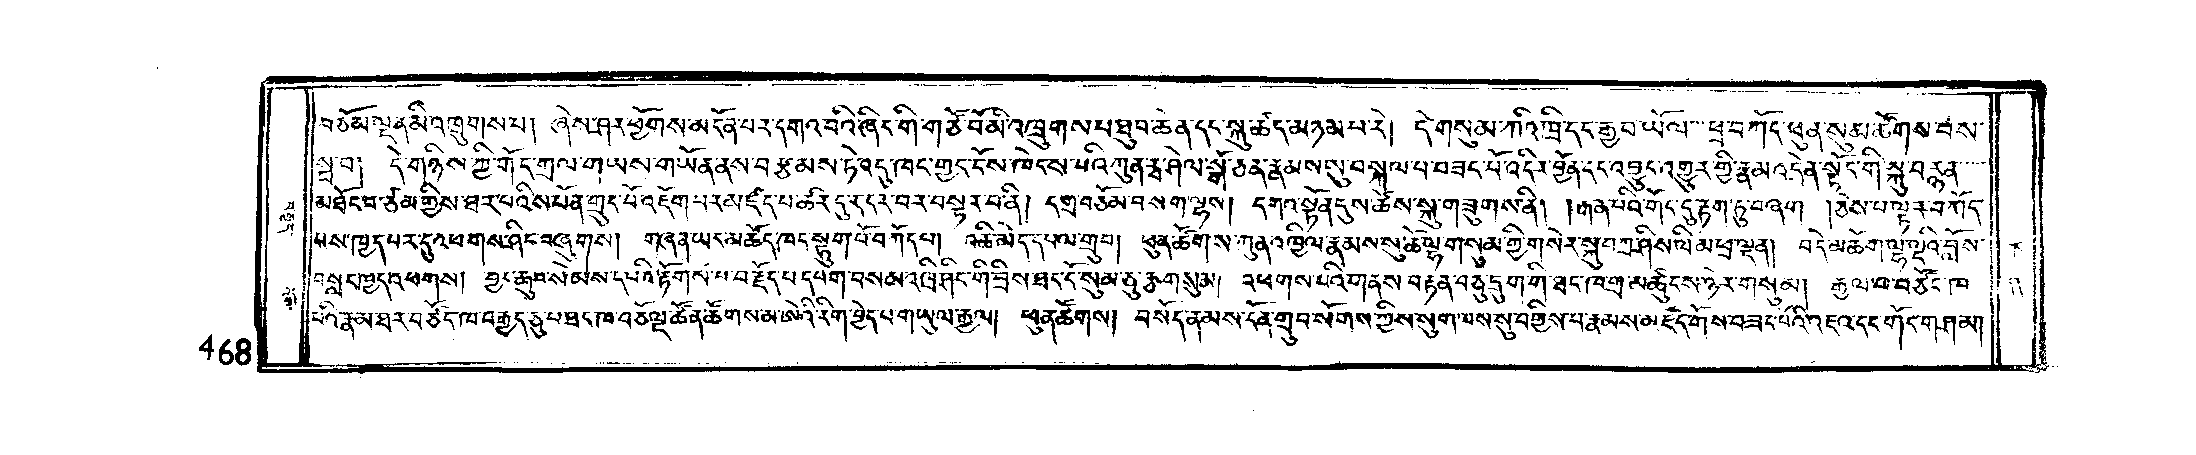བཅོམ་ལྡན་མི་འཁྲུགས་པ། ཞེས་ཤར་ཕྱོགས་མངོན་པར་དགའ་བའི་ཞིང་གི་གཙོ་བོ་མི་འཁྲུགས་པ་ཐུབ་ཆེན་དང་སྐུ་ཚད་མཉམ་པ་རེ། དེ་གསུམ་ཀའི་ཁྲི་དང་རྒྱབ་ཡོལ་ཕྲ་བཀོད་ཕུན་སུམ་ཚོགས་བས་
སྦ་བ། དེ་གཉིས་ཀྱི་གོང་གྲལ་གཡས་གཡོན་ནས་བརྩམས་ཏེ་འདུ་ཁང་གྱང་ངོས་ཁེངས་པའི་ཀུན་རྭ་ཤེལ་སྒོ་ཅན་རྣམས་སུ་བསྐལ་པ་བཟང་པོ་འདིར་བྱོན་དང་འབྱུང་འགྱུར་གྱི་རྣམ་འདྲེན་སྟོང་གི་སྐུ་བརྙན་
མཐོང་བ་ཙམ་གྱིས་ཐར་པའི་ས་བོན་གྲུང་པོ་འཇོག་པར་མཛད་པ་ཚར་དུར་ངར་བར་བསྟར་བ་ནི། དགྲ་བཅོམ་བསག་ལྷས། དགའ་སྟོན་དུས་ཚེས་སྐུ་གཟུགས་ནི། །རྒན་པའི་གོང་དུ་རྟག་ཏུ་བཞག །ཅེས་པ་ལྟར་བཀོད་
པས་ཁྱད་པར་དུ་འཕགས་ཤིང་བཞུགས། གཞན་ཡང་མཆོད་ཁང་སྟུག་པོ་བཀོད་པ། འཆི་མེད་དཔལ་གྲུབ། ཕུན་ཚོགས་ཀུན་འཁྱིལ་རྣམས་སུ་ཚེ་ལྷ་གསུམ་གྱི་གསེར་སྐུ་བཀྲ་ཤིས་ལི་མ་ཕྲ་ལྡན། བདེ་མཆོག་ལྷ་ལྡའི་བློས་
བསླང་ཁྱད་འཕགས། བྱང་ཆུབ་སེམས་དཔའི་རྟོགས་པ་བརྗོད་པ་དཔག་བསམ་འཁྲི་ཤིང་གི་བྲིས་ཐང་ངོ་སུམ་ཅུ་རྩ་གསུམ། འཕགས་པའི་གནས་བརྟན་བཅུ་དྲུག་གི་ཐང་ཁ་གྲ་མཚུངས་ཉེར་གསུམ། རྒྱལ་བ་བཙོང་ཁ་
པའི་རྣམ་ཐར་བཙོང་ཁ་བརྒྱད་ཅུ་པ་ཐང་ཁ་བཅོ་ལྔ་ཚོན་ཚོགས་མ་ཨེའི་རིག་བྱེད་པ་གཡུལ་རྒྱལ། ཕུན་ཚོགས། བསོད་ནམས་དོན་གྲུབ་སོགས་ཀྱིས་སུག་ལས་སུ་བགྱིས་པ་རྣམས་མཛོད་གོས་བཟང་པོའི་འཇའ་དང་གོང་གཤམ།